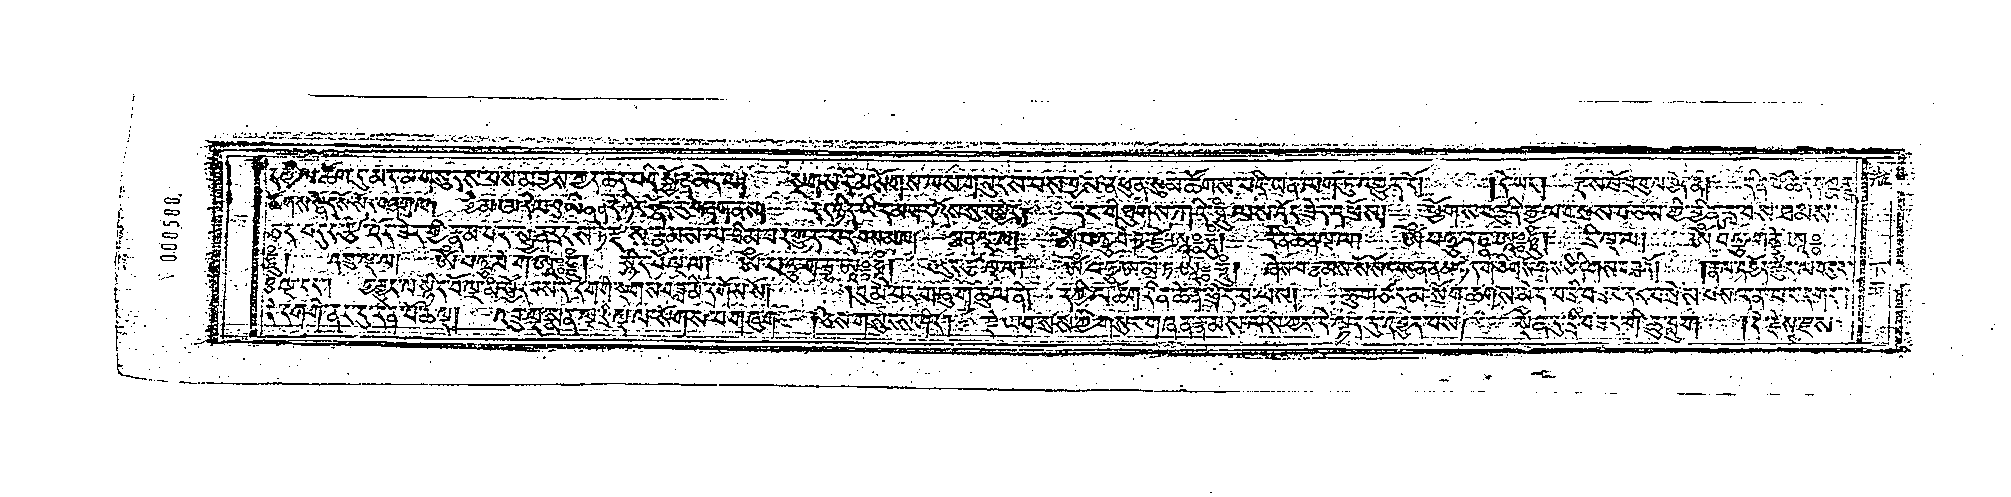དཀྱིལ་ཆོག་དུ་མར་མ་གསུངས་པས་མ་བྱས་ཀྱང་ཆད་པའི་སྐྱོན་མེད་ལ། སྔགས་རིམ་སོགས་ལས་གསུངས་པས་བྱས་ན་ཕུན་སུམ་ཚོགས་པའི་ཡན་ལག་ཏུ་འགྱུར་རོ། །དེ་ཡང་། རྫས་ཁྲོལ་བུ་ལ་བྱེད་ན། རིན་པོ་ཆེ་དང་སྨན་
སོགས་སྣོད་སོ་སོར་བཞག་ལ། ཕྱེ་མའམ་རིལ་བུ་ཡིན་ན་དེ་ཉིད་སྣོད་དུ་བཞག་ནས། རང་ཉིད་ཡི་དམ་གང་འོས་སུ་བསྐྱེད། རང་གི་ཐུགས་ཀའི་ཧཱུཾ་ལས་འོད་ཟེར་འཕྲོས། ཕྱོགས་བཅུའི་རྒྱལ་བ་སྲས་བཅས་ཀྱི་བྱིན་རླབས་ཐམས་
ཅད་བདུད་རྩི་འོད་ཟེར་གྱི་རྣམ་པར་སྤྱན་དྲངས་ཏེ་རྫས་རྣམས་ལ་ཐིམ་པར་གྱུར་པར་བསམ་ལ། སྨན་ལྔ་ལ། ཨོཾ་པཉྩ་བེ་ཥ་ཛྱེ་ཨཱཿ་ཧཱུཾ། རིན་ཆེན་ལྔ་ལ། ཨོཾ་པཉྩ་རཏྣ་ཨཱཿ་ཧཱུཾ། དྲི་ལྔ་ལ། ཨོཾ་པཉྩ་གནྡྷེ་ཨཱཿ
ཧཱུཾ། འབྲུ་ལྔ་ལ། ཨོཾ་པཉྩ་བེ་ག་ཨཱཿ་ཧཱུཾ། སྙིང་པོ་ལྔ་ལ། ཨོཾ་པཉྩ་གརྦྷ་ཨཱཿ་ཧཱུཾ། བདུད་རྩ་ལྔ་ལ། ཨོཾ་པཉྩ་ཨ་མྲྀ་ཏ་ཨཱཿ་ཧཱུཾ། ཞེས་བ་རྣམས་སོ་སོར་བདུན་ནམ་ཉེར་གཅིག་སོགས་ཅི་རིགས་བཟླའོ། །རྣལ་འབྱོར་རྒྱུད་ལ་བདུད་
རྩེ་ལྔ་དང་། བྱ་རྒྱུད་ལ་སྙིང་བོ་ལྔ་མི་སྦྱོར་བས་དེ་དག་གི་སྔགས་བཟླ་མི་དགོས་སོ། །བུམ་པར་གཞུག་ཚུལ་ནི། དཀྱིལ་ཆོག་རིན་ཆེན་ཕྲེང་བ་ལས། ཆུ་གཙང་མ་སྲོག་ཆགས་མེད་པ་དྲི་བཟང་དང་བསྲེས་པས་རན་པར་དགད།
དེ་དག་གི་ནང་དུ་རིན་པོ་ཆེ་ལྔ། འབྲུ་ལྔ་སྨན་ལྔ་དྲི་ལྔ་ལ་སོགས་པ་གཞུག །ཅེས་གསུངས་ཤིང་། རྗེ་ཡབ་སྲས་ཀྱི་གསུང་གཞན་རྣམས་ལས་ཀྱང་དེ་ལྟར་དུ་འབྱུང་བས། སྔོན་དུ་དྲི་བཟང་གི་ཆུ་བླུག །དེ་རྗེས་རྫས་